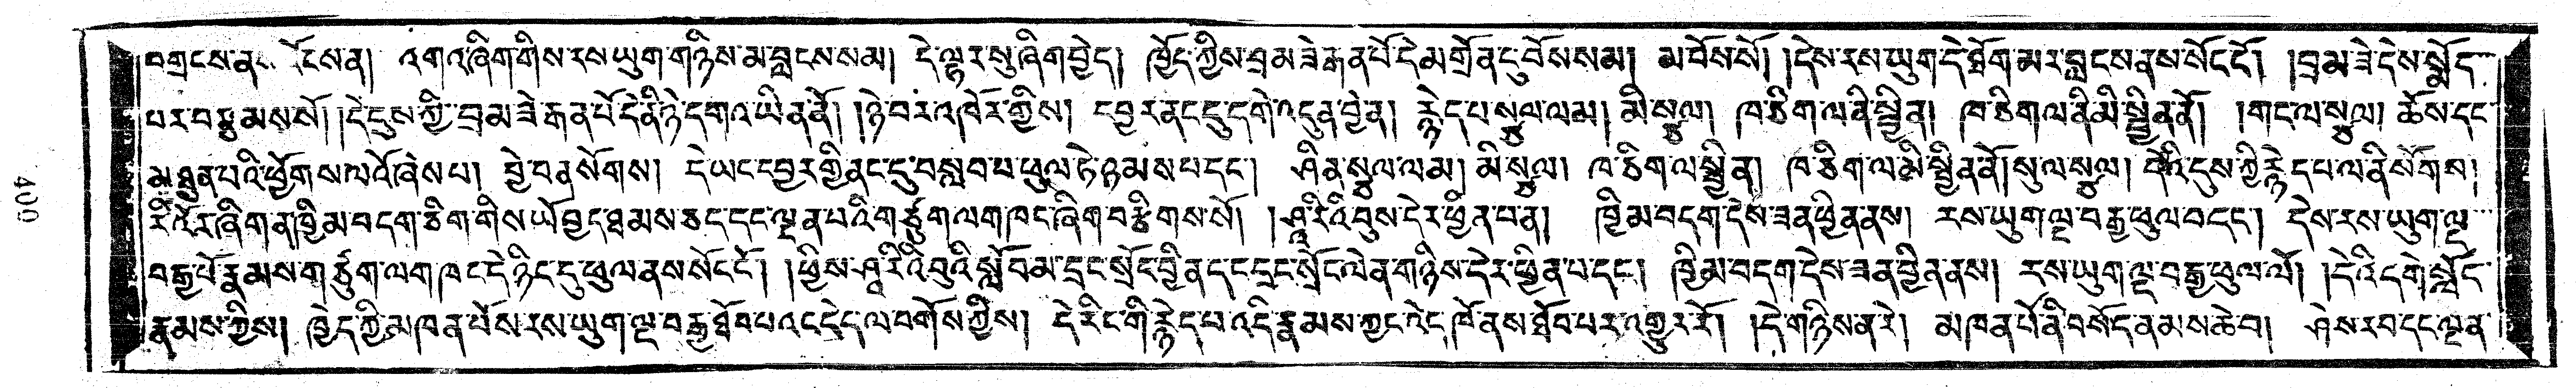བགྲངས་ནས་འོངས་ན། འགའ་ཞིག་གིས་རས་ཡུག་གཉིས་མ་བླངས་སམ། དེ་ལྟར་སུ་ཞིག་བྱེད། ཁྱོད་ཀྱིས་བྲམ་ཟེ་རྒན་པོ་དེ་མགྲོན་དུ་བོས་སམ། མ་བོས་སོ། །དེས་རས་ཡུག་དེ་ཐོག་མར་བླངས་ནས་སོང་ངོ། །བྲམ་ཟེ་དེས་སྨོད་
པར་བརྩམས་སོ། །དེ་དུས་ཀྱི་བྲམ་ཟེ་རྒན་པོ་དེ་ནི་ཉེ་དགའ་ཡིན་ནོ། །ཉེ་བར་འཁོར་གྱིས། དབྱར་ནང་དུ་དགེ་འདུན་བྱེ་ན། རྙེད་པ་སྩལ་ལམ། མི་སྩལ། ཁ་ཅིག་ལ་ནི་སྦྱིན། ཁ་ཅིག་ལ་ནི་མི་སྦྱིན་ནོ། །གང་ལ་སྩལ། ཆོས་དང་
མཐུན་པའི་ཕྱོགས་ལའོ་ཞེས་པ། བྱེ་བན་སོགས། དེ་ཡང་དབྱར་གྱི་ནང་དུ་བསླབ་པ་ཕུལ་ཏེ་ཉམས་པ་དང་། ཤིན་སྩལ་ལམ། མི་སྩལ། ཁ་ཅིག་ལ་སྦྱིན། ཁ་ཅིག་ལ་མི་སྦྱིན་ནོ། སུ་ལ་སྩལ། དེའི་དུས་ཀྱི་རྙེད་པ་ལ་ནི་སོགས།
རི་འོར་ཞིག་ན་ཁྱིམ་བདག་ཅིག་གིས་ཡོ་བྱད་ཐམས་ཅད་དང་ལྡན་པའི་གཙུག་ལག་ཁང་ཞིག་བརྩིགས་སོ། །ཤཱ་རིའི་བུས་དེར་ཕྱིན་པ་ན། ཁྱིམ་བདག་དེས་ཟ་ཕྱིན་ནས། རས་ཡུག་ལྔ་བརྒྱ་ཕུལ་བ་དང་། དེས་རས་ཡུག་ལྔ་
བརྒྱ་པོ་རྣམས་གཙུག་ལག་ཁང་དེ་ཉིད་དུ་ཕུལ་ནས་སོང་ངོ། །ཕྱིས་ཤཱ་རིའི་བུའི་སློབ་མ་དྲང་སྲོང་བྱིན་དང་དྲང་སྲོང་ལེན་གཉིས་དེར་ཕྱིན་པ་དང་། ཁྱིམ་བདག་དེས་ཟན་བྱིན་ནས། རས་ཡུག་ལྔ་བརྒྱ་ཕུལ་ལོ། །དེའི་དགེ་སློང་
རྣམས་ཀྱིས། ཁྱེད་ཀྱི་མཁན་པོས་རས་ཡུག་ལྔ་བརྒྱ་ཐོབ་པའང་དེད་ལ་བགོས་ཀྱིས། དེ་རིང་གི་རྙེད་པ་འདི་རྣམས་ཀྱང་འོད་ཁོ་ནས་ཐོབ་པར་འགྱུར་རོ། །དེ་གཉིས་ན་རེ། མཁན་པོ་ནི་བསོད་ནམས་ཆེ་བ། ཤེས་རབ་དང་ལྡན་